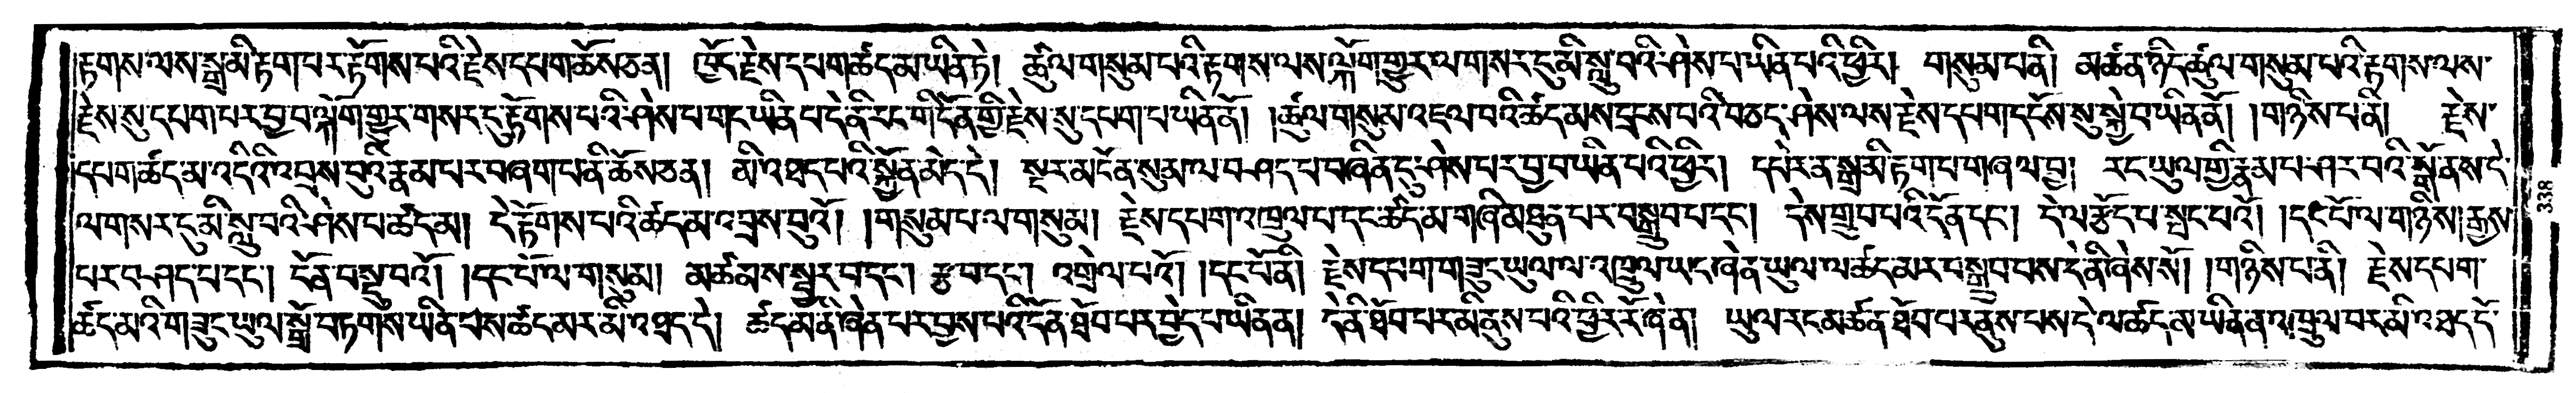རྟགས་ལས་སྒྲ་མི་རྟག་པར་རྟོགས་པའི་རྗེས་དཔག་ཆོས་ཅན། ཁྱོད་རྗེས་དཔག་ཚད་མ་ཡིན་ཏེ། ཚུལ་གསུམ་པའི་རྟགས་ལས་ལྐོག་གྱུར་ལ་གསར་དུ་མི་སླུ་བའི་ཤེས་པ་ཡིན་པའི་ཕྱིར། གསུམ་པ་ནི། མཚན་ཉིད་ཚུལ་གསུམ་པའི་རྟགས་ལས་
རྗེས་སུ་དཔག་པར་བྱ་བ་ལྐོག་གྱུར་གསར་དུ་རྟོགས་པའི་ཤེས་པ་གང་ཡིན་པ་དེ་ནི་རང་གི་དོན་གྱི་རྗེས་སུ་དཔག་པ་ཡིན་ནོ། །ཚུལ་གསུམ་འཇལ་བའི་ཚད་མས་དྲངས་པའི་བཅད་ཤེས་ལས་རྗེས་དཔག་དངོས་སུ་སྐྱེ་བ་ཡིན་ནོ། །གཉིས་པ་ནི། རྗེས་
དཔག་ཚད་མ་འདིའི་འབྲས་བུའི་རྣམ་པར་བཞག་པ་ནི་ཆོས་ཅན། མི་འཐད་པའི་སྐྱོན་མེད་དེ། སྔར་མངོན་སུམ་ལ་བཤད་པ་བཞིན་དུ་ཤེས་པར་བྱ་བ་ཡིན་པའི་ཕྱིར། དཔེར་ན་སྒྲ་མི་རྟག་པ་གཞལ་བྱ། རང་ཡུལ་གྱི་རྣམ་པ་ཤར་པའི་སྒོ་ནས་དེ་
ལ་གསར་དུ་མི་སླུ་བའི་ཤེས་པ་ཚད་མ། དེ་རྟོགས་པའི་ཚད་མ་འབྲས་བུའོ། །གསུམ་པ་ལ་གསུམ། རྗེས་དཔག་འཁྲུལ་པ་དང་ཚད་མ་གཞི་མཐུན་པར་བསྒྲུབ་པ་དང་། དེས་གྲུབ་པའི་དོན་དང་། དེ་ལ་རྩོད་པ་སྤང་བའོ། །དང་པོ་ལ་གཉིས། རྒྱས་
པར་བཤད་པ་དང་། དོན་བསྡུ་བའོ། །དང་པོ་ལ་གསུམ། མཚམས་སྦྱར་བ་དང་། རྩ་བ་དང་། འགྲེལ་པའོ། །དང་པོ་ནི། རྗེས་དཔག་གཟུང་ཡུལ་ལ་འཁྲུལ་ཡང་ཞེན་ཡུལ་ལ་ཚད་མར་བསྒྲུབ་པས་དེ་ནི་ཞེས་སོ། །གཉིས་པ་ནི། རྗེས་དཔག་
ཚད་མའི་གཟུང་ཡུལ་སྒྲོ་བཏགས་ཡིན་པས་ཚད་མར་མི་འཐད་དེ། ཚད་མ་ནི་ཞེན་པར་བྱས་པའི་དོན་ཐོབ་པར་བྱེད་པ་ཡིན་ན། དེ་ནི་ཐོབ་པར་མི་ནུས་པའི་ཕྱིར་རོ་ཞེ་ན། ཡུལ་རང་མཚན་ཐོབ་པར་ནུས་པས་དེ་ལ་ཚད་མ་ཡིན་ན་འཁྲུལ་བར་མི་འཐད་དོ་